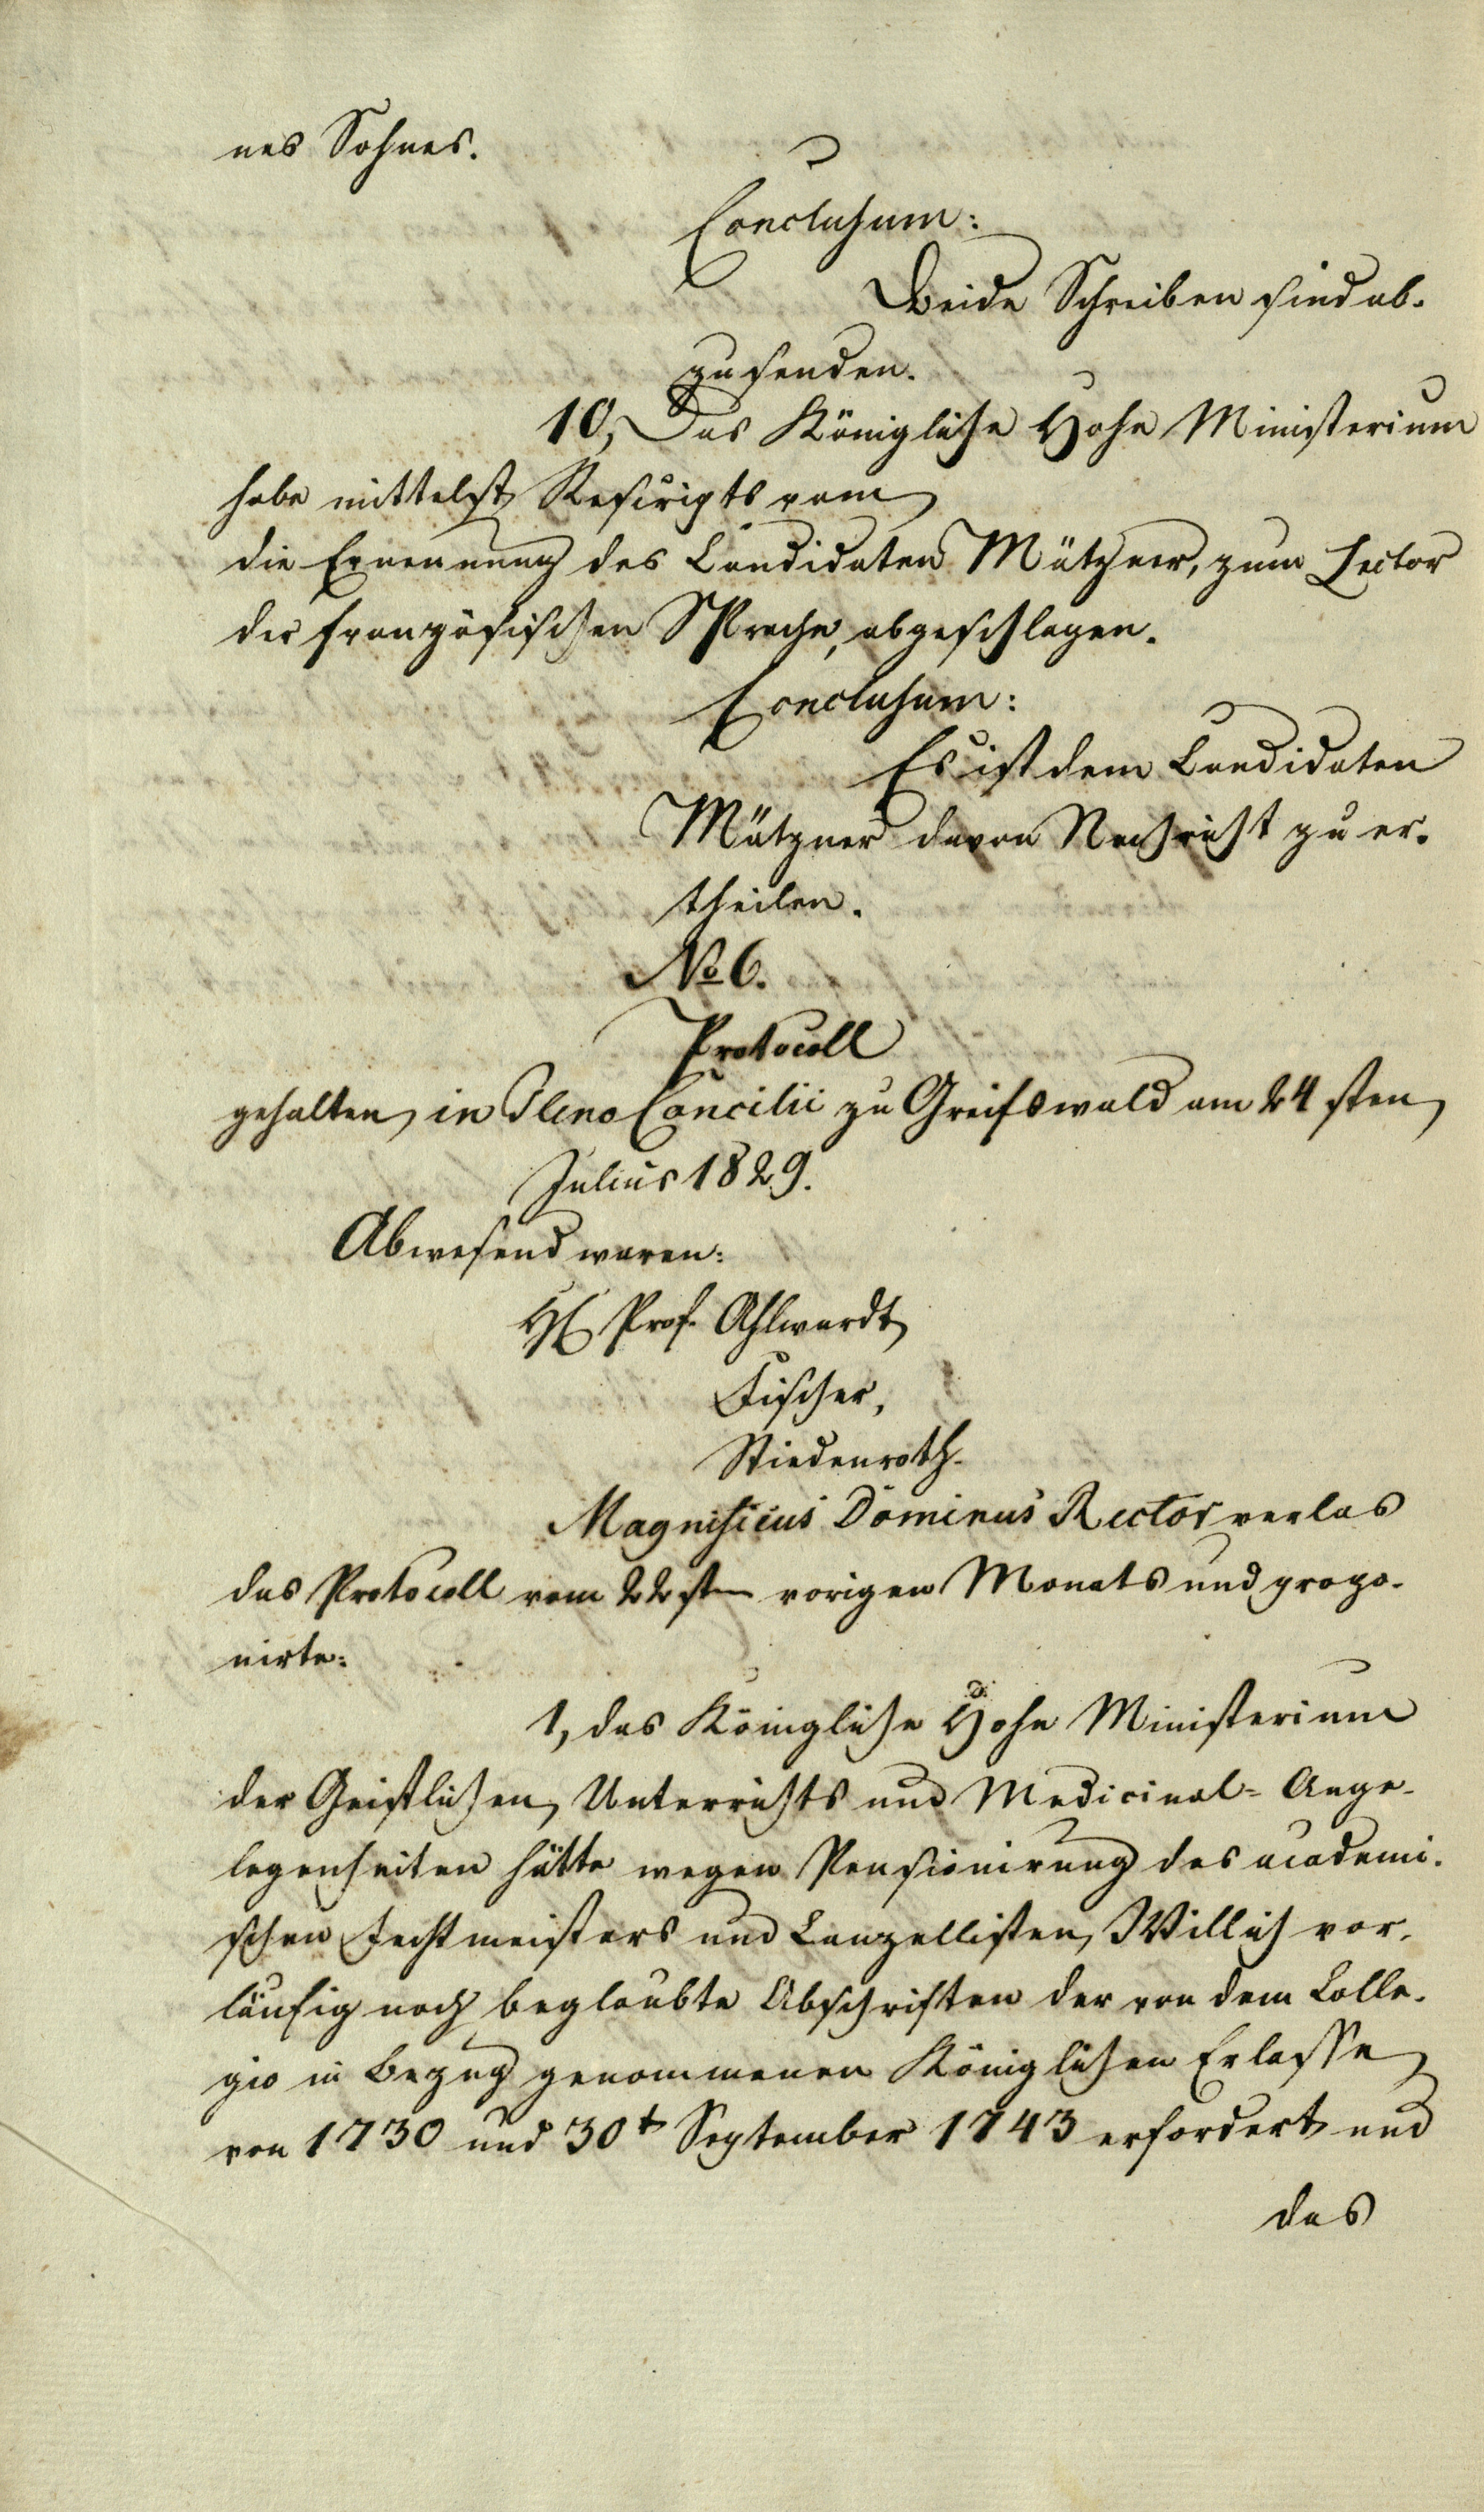nes Sohnes.
Conclusum:
Beide Schreiben sind ab¬
zusenden.
10, Das Königliche Hohe Ministerium
habe mittelst Rescripts vom
die Ernennung des Candidaten Mätzner, zum Lector
der französischen Sprache, abgeschlagen.
Conclusum:
Es ist dem Candidaten
Mätzner davon Nachricht zu er¬
theilen.
No 6.
Protocoll
gehalten in Pleno Concilii zu Greifswald am 24 sten
Julius 1829.
Abwesend waren:
H Prof. Ahlwardt
Fischer
Stiedenroth.
Magnificus Dominus Rector verlas
das Protocoll vom 22 sten vorigen Monats und propo¬
nirte:
1, das Königliche Hohe Ministerium
der Gesitlichen, Unterrichts und Medicinal- Ange¬
legenheiten hätte wegen Pensionirung des academi¬
schen Fechtmeisters und Canzellisten Willich vor¬
läufig noch beglaubte Abschriften der von dem Colle¬
gio in Bezug genommenen Königlichen Erlasse
von 1730 und 30 t September 1743 erfordert und
das